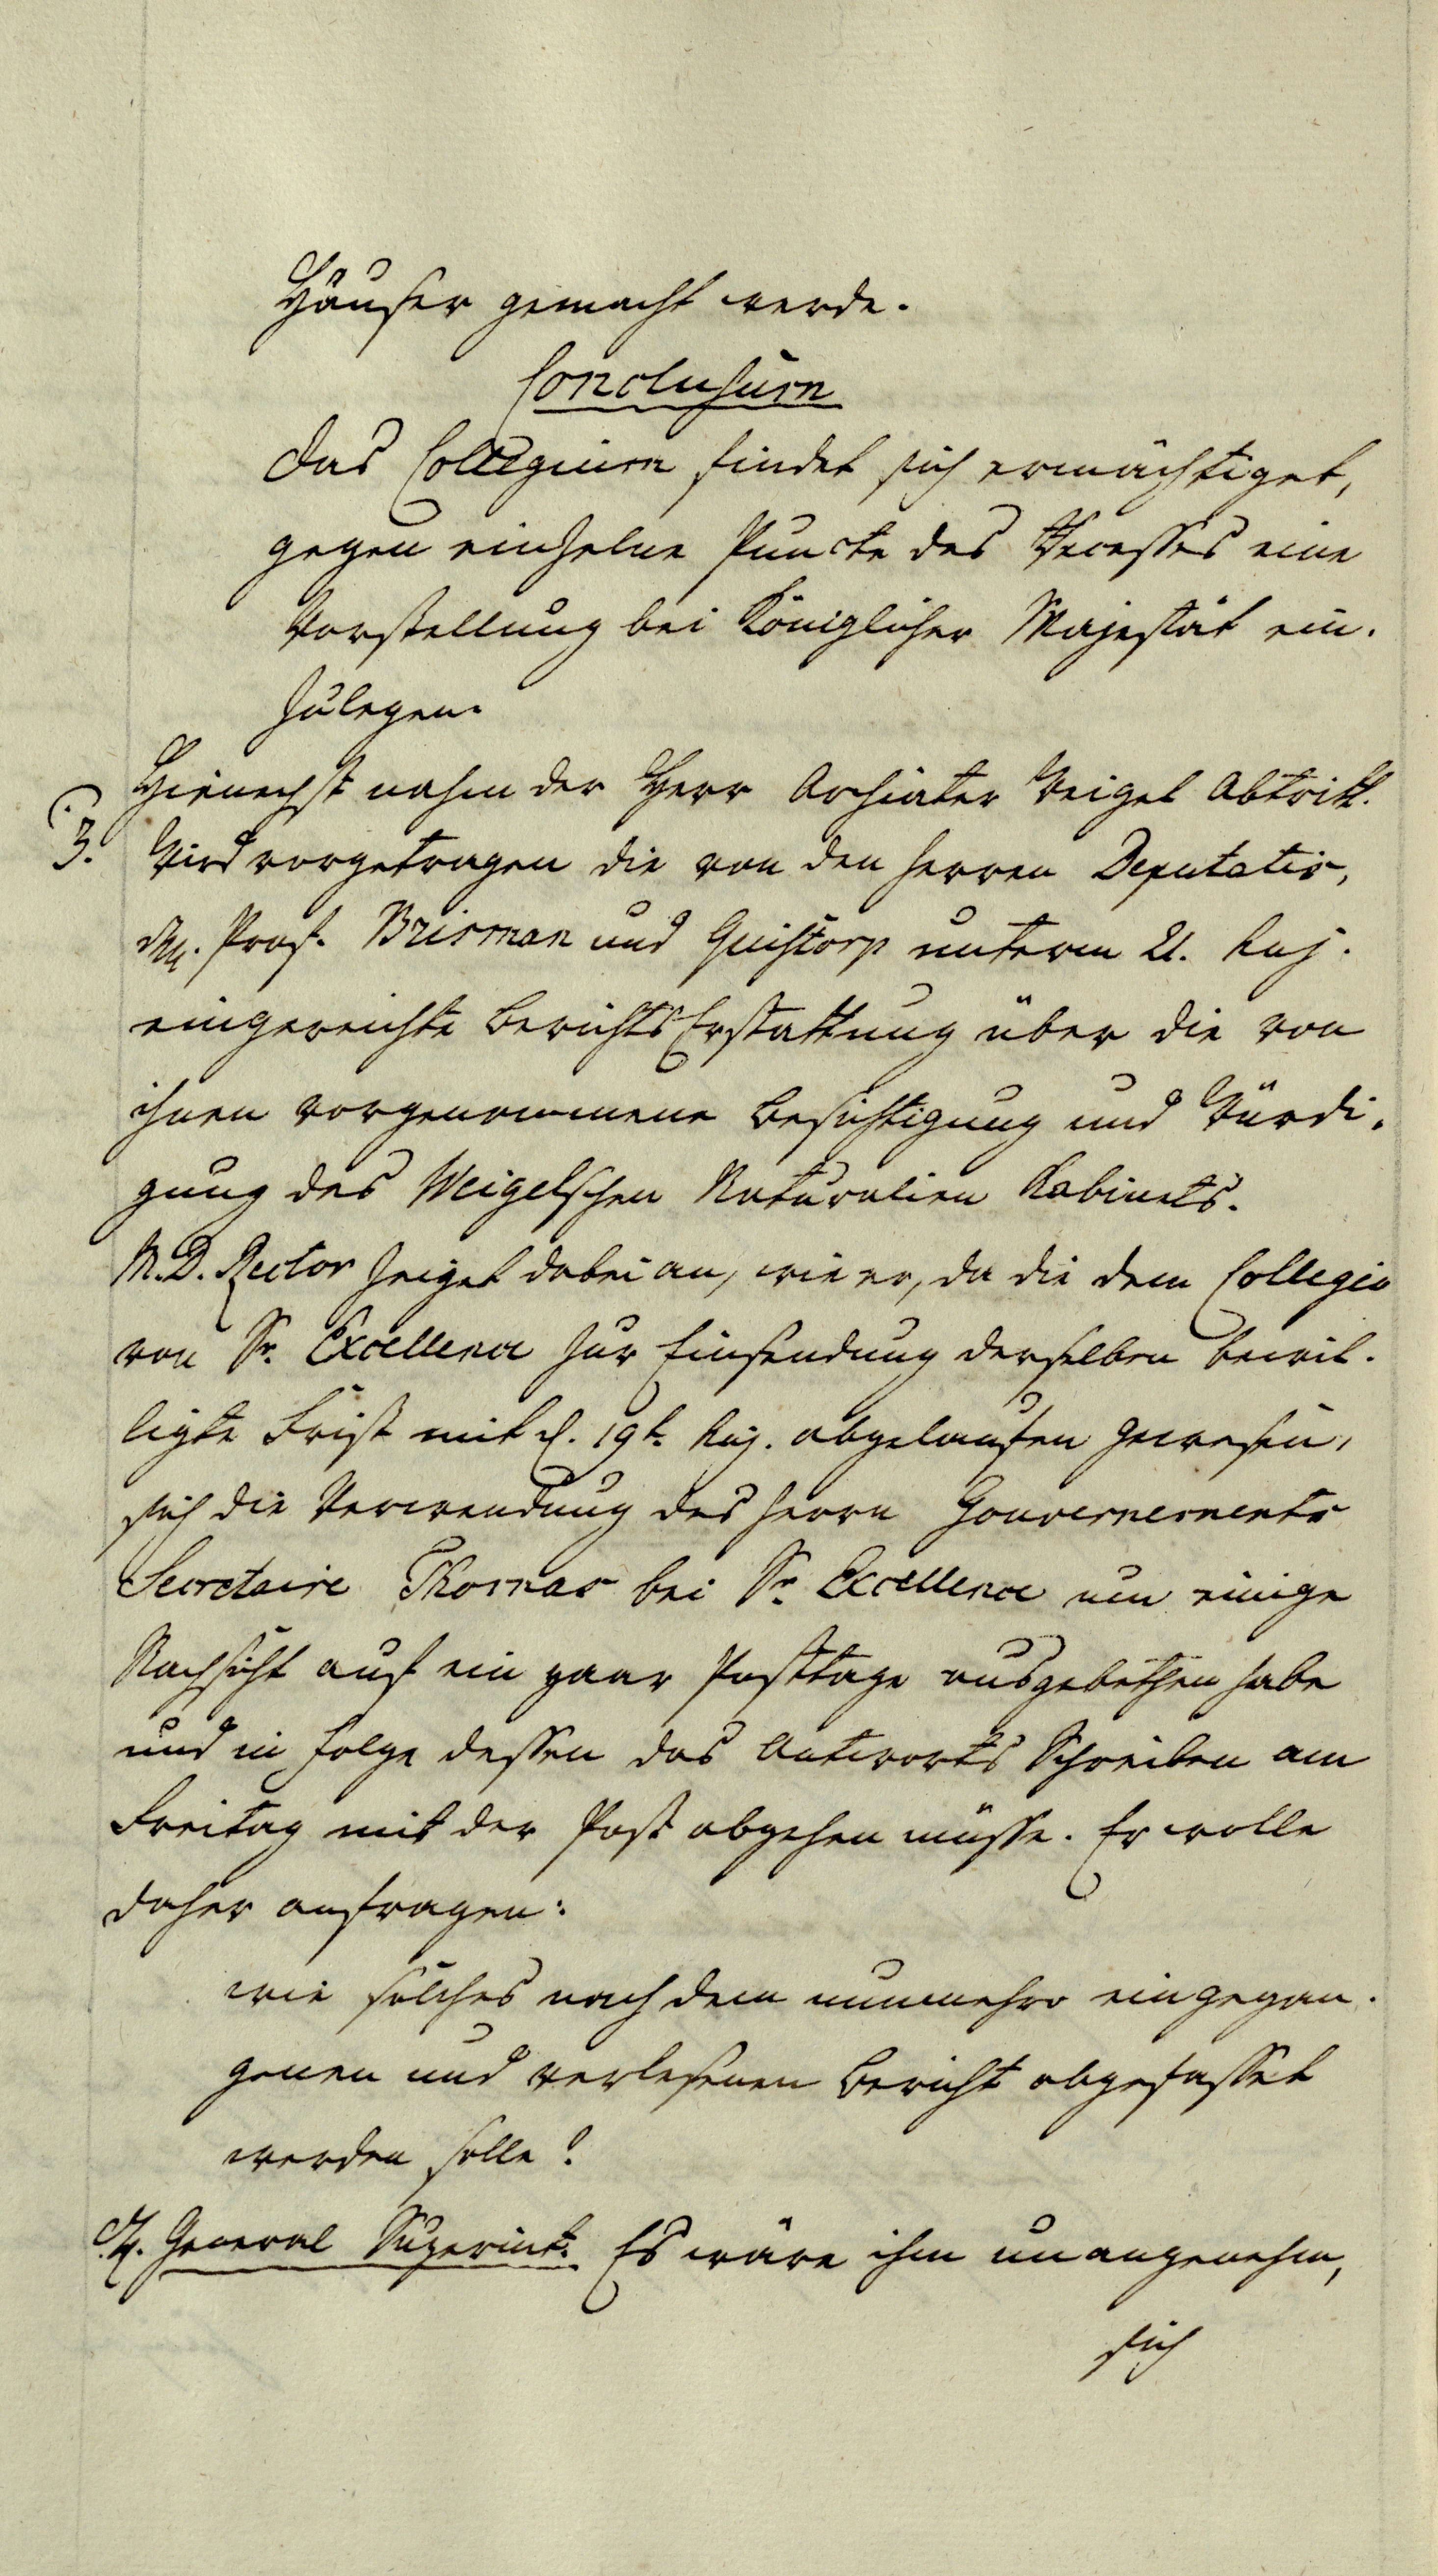Häuser gemacht werde.
Conclusum
Das Collegium findet sich ermächtiget,
gegen einzelne Puncte des Recesses eine
Vorstellung bei Königlicher Majestät ein¬
zulegen.
Hienechst nahm der Herr Archiater Weigel Abtritt.
3. Wird vorgetragen die von den Herren Deputatis,
dh. Prof. Brisman und Quistorp unterm 21. huj.
eingereichte BerichtsErstattung über die von
ihnen vorgenommene Besichtigung und Würdi¬
gung des Weigelschen Naturalien Kabinets.
M . Rector zeiget dabei an, wie er, da die dem Collegio
von Sr Excellence zur Einsendung derselben bewil¬
ligte Frist mit d. 19 t. huj. abgelaufen gewesen,
sich die Verwendung des Herrn Gouvernements
Secretaire Thomas bei Sr Excellence um einige
Nachsicht auf ein paar Posttage ausgebethen habe
und in Folge dessen das Antworts Schreiben am
Freitag mit der Post abgehen müsse. Er wolle
daher anfragen:
wie solches nach dem nunmehro eingegan¬
genen und verlesenen Bericht abgefasset
werden solle?
dh. General Superint. Es wäre ihm unangenehm,
sich